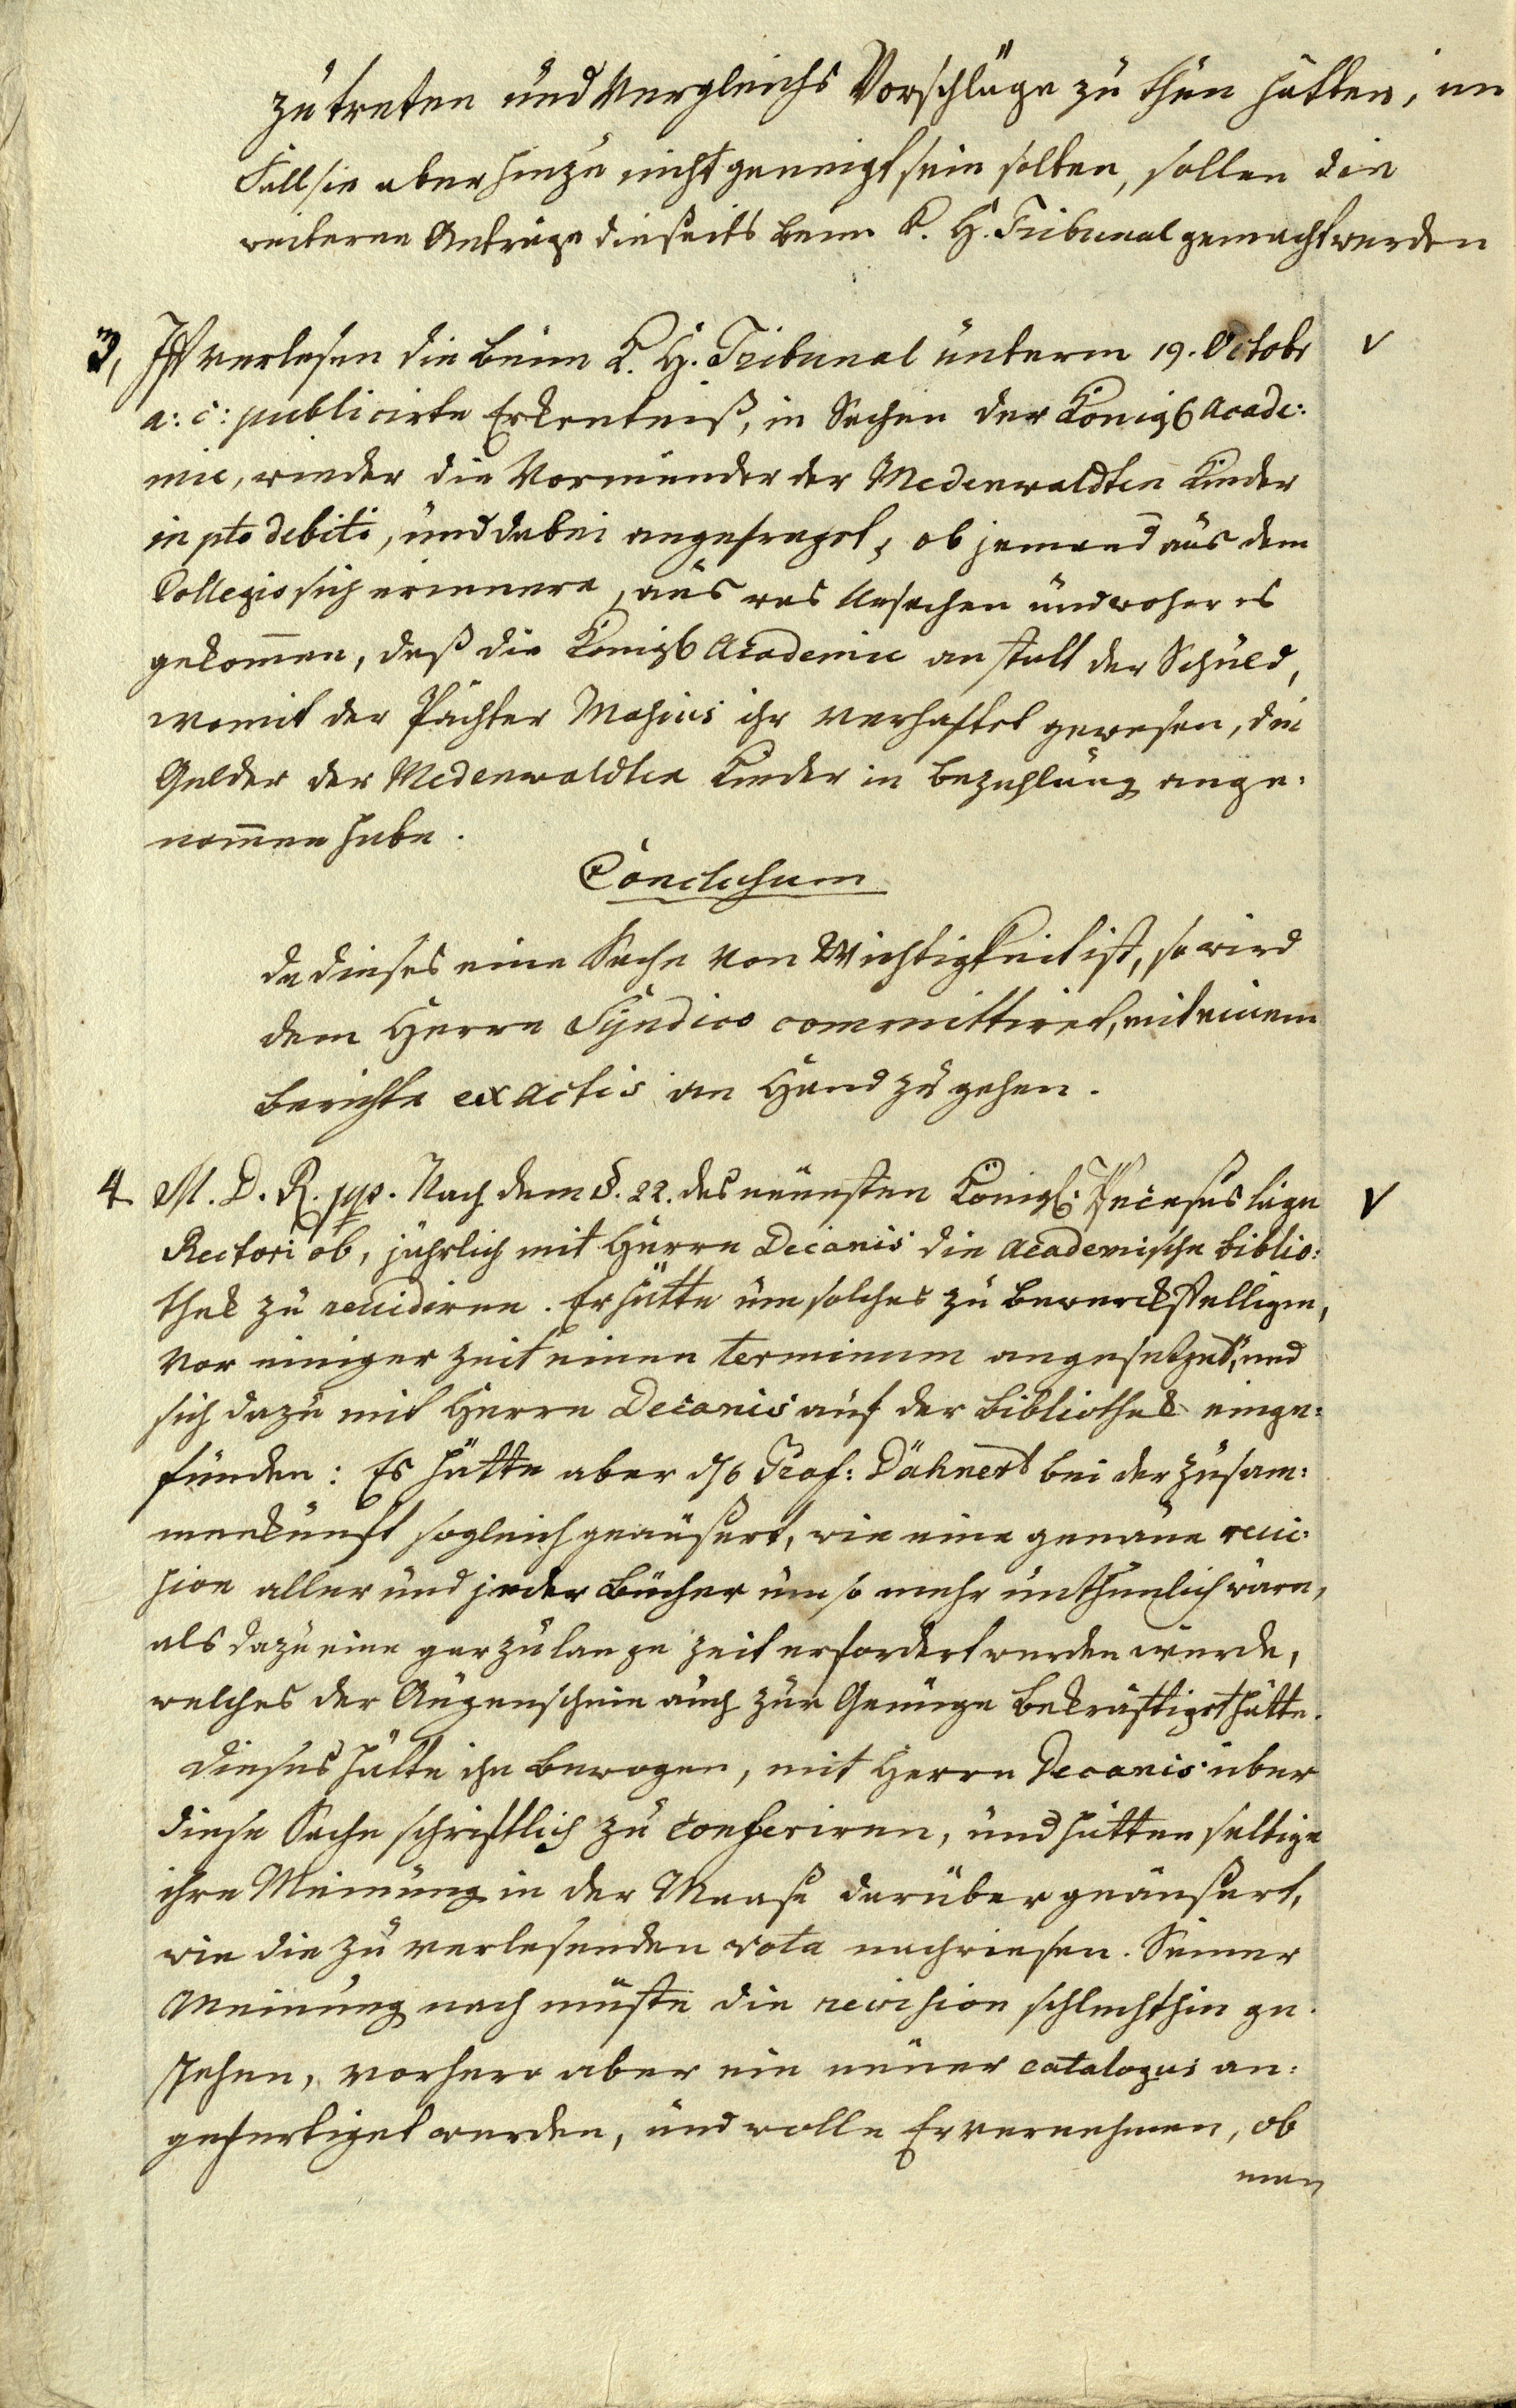zu treten und Vergleichs Vorschläge zu thun hätten, im
Fall sie aber hiezu nicht geneigt sein solten, sollen die
weiteren Anträge dießeits beim K. H. Tribunal gemacht werden.
2, Ist verlesen die beim K. H. Tribunal unterm 19. Octobr.
a. c. publicirte Erkentniß, in Sachen der Königl. Acade¬
mie, wieder die Vormünder der Medenwaldten Kinder
in pto debiti, und dabei angefraget, ob jemand aus dem
Collegio sich erinnere, aus wes Ursachen und woher es
gekomen, daß die Königl. Academie anstatt der Schuld,
womit der Pächter Masius ihr verhaftet gewesen, die
Gelder der Medenwaldten Kinder in Bezahlung ange¬
nomen habe.
Conclusum
Da dieses eine Sache von Wichtigkeit ist, so wird
dem Herrn Sÿndico committiret, mit einem
Berichte ex Actis an Hand zu gehen.
4. M. D. R. pp. Nach dem § 22. des heuesten Königl. Receßes läge
Rectori ob, jährlich mit Herrn Decanis die Academische Biblio¬
thek zu revidiren. Er hätte umsolches zu bewerckstelligen,
vor einiger Zeit einen Terminum angesetzet, und
sich dazu mit Herrn Decanis auf der Bibliothek einge¬
funden: Es hätte aber dh. Prof. Dähnert bei der Zusam¬
menkunft sogleich geäußert, wie eine genaue revi¬
sion aller und jeder Bücher um so mehr unthunlich wäre,
als dazu eine gar zu lange zeit erfordert werden würde,
welches der Augenschein auch zur Genüge bekräftiget hätte.
Dieses hätte ihn bewogen, mit Herrn Decanis über
diese Sache schriftlich zu conferiren, und hätten selbige
ihre Meinung in der Maaße darüber geäußert,
wie die zu verlesenden Vota nachwiesen. Seiner
Meinung nach müste die revision schlechthin ge¬
schehen, vorhero aber ein neuer catalogus an¬
gefertiget werden, und wolle Er vernehmen, ob
man